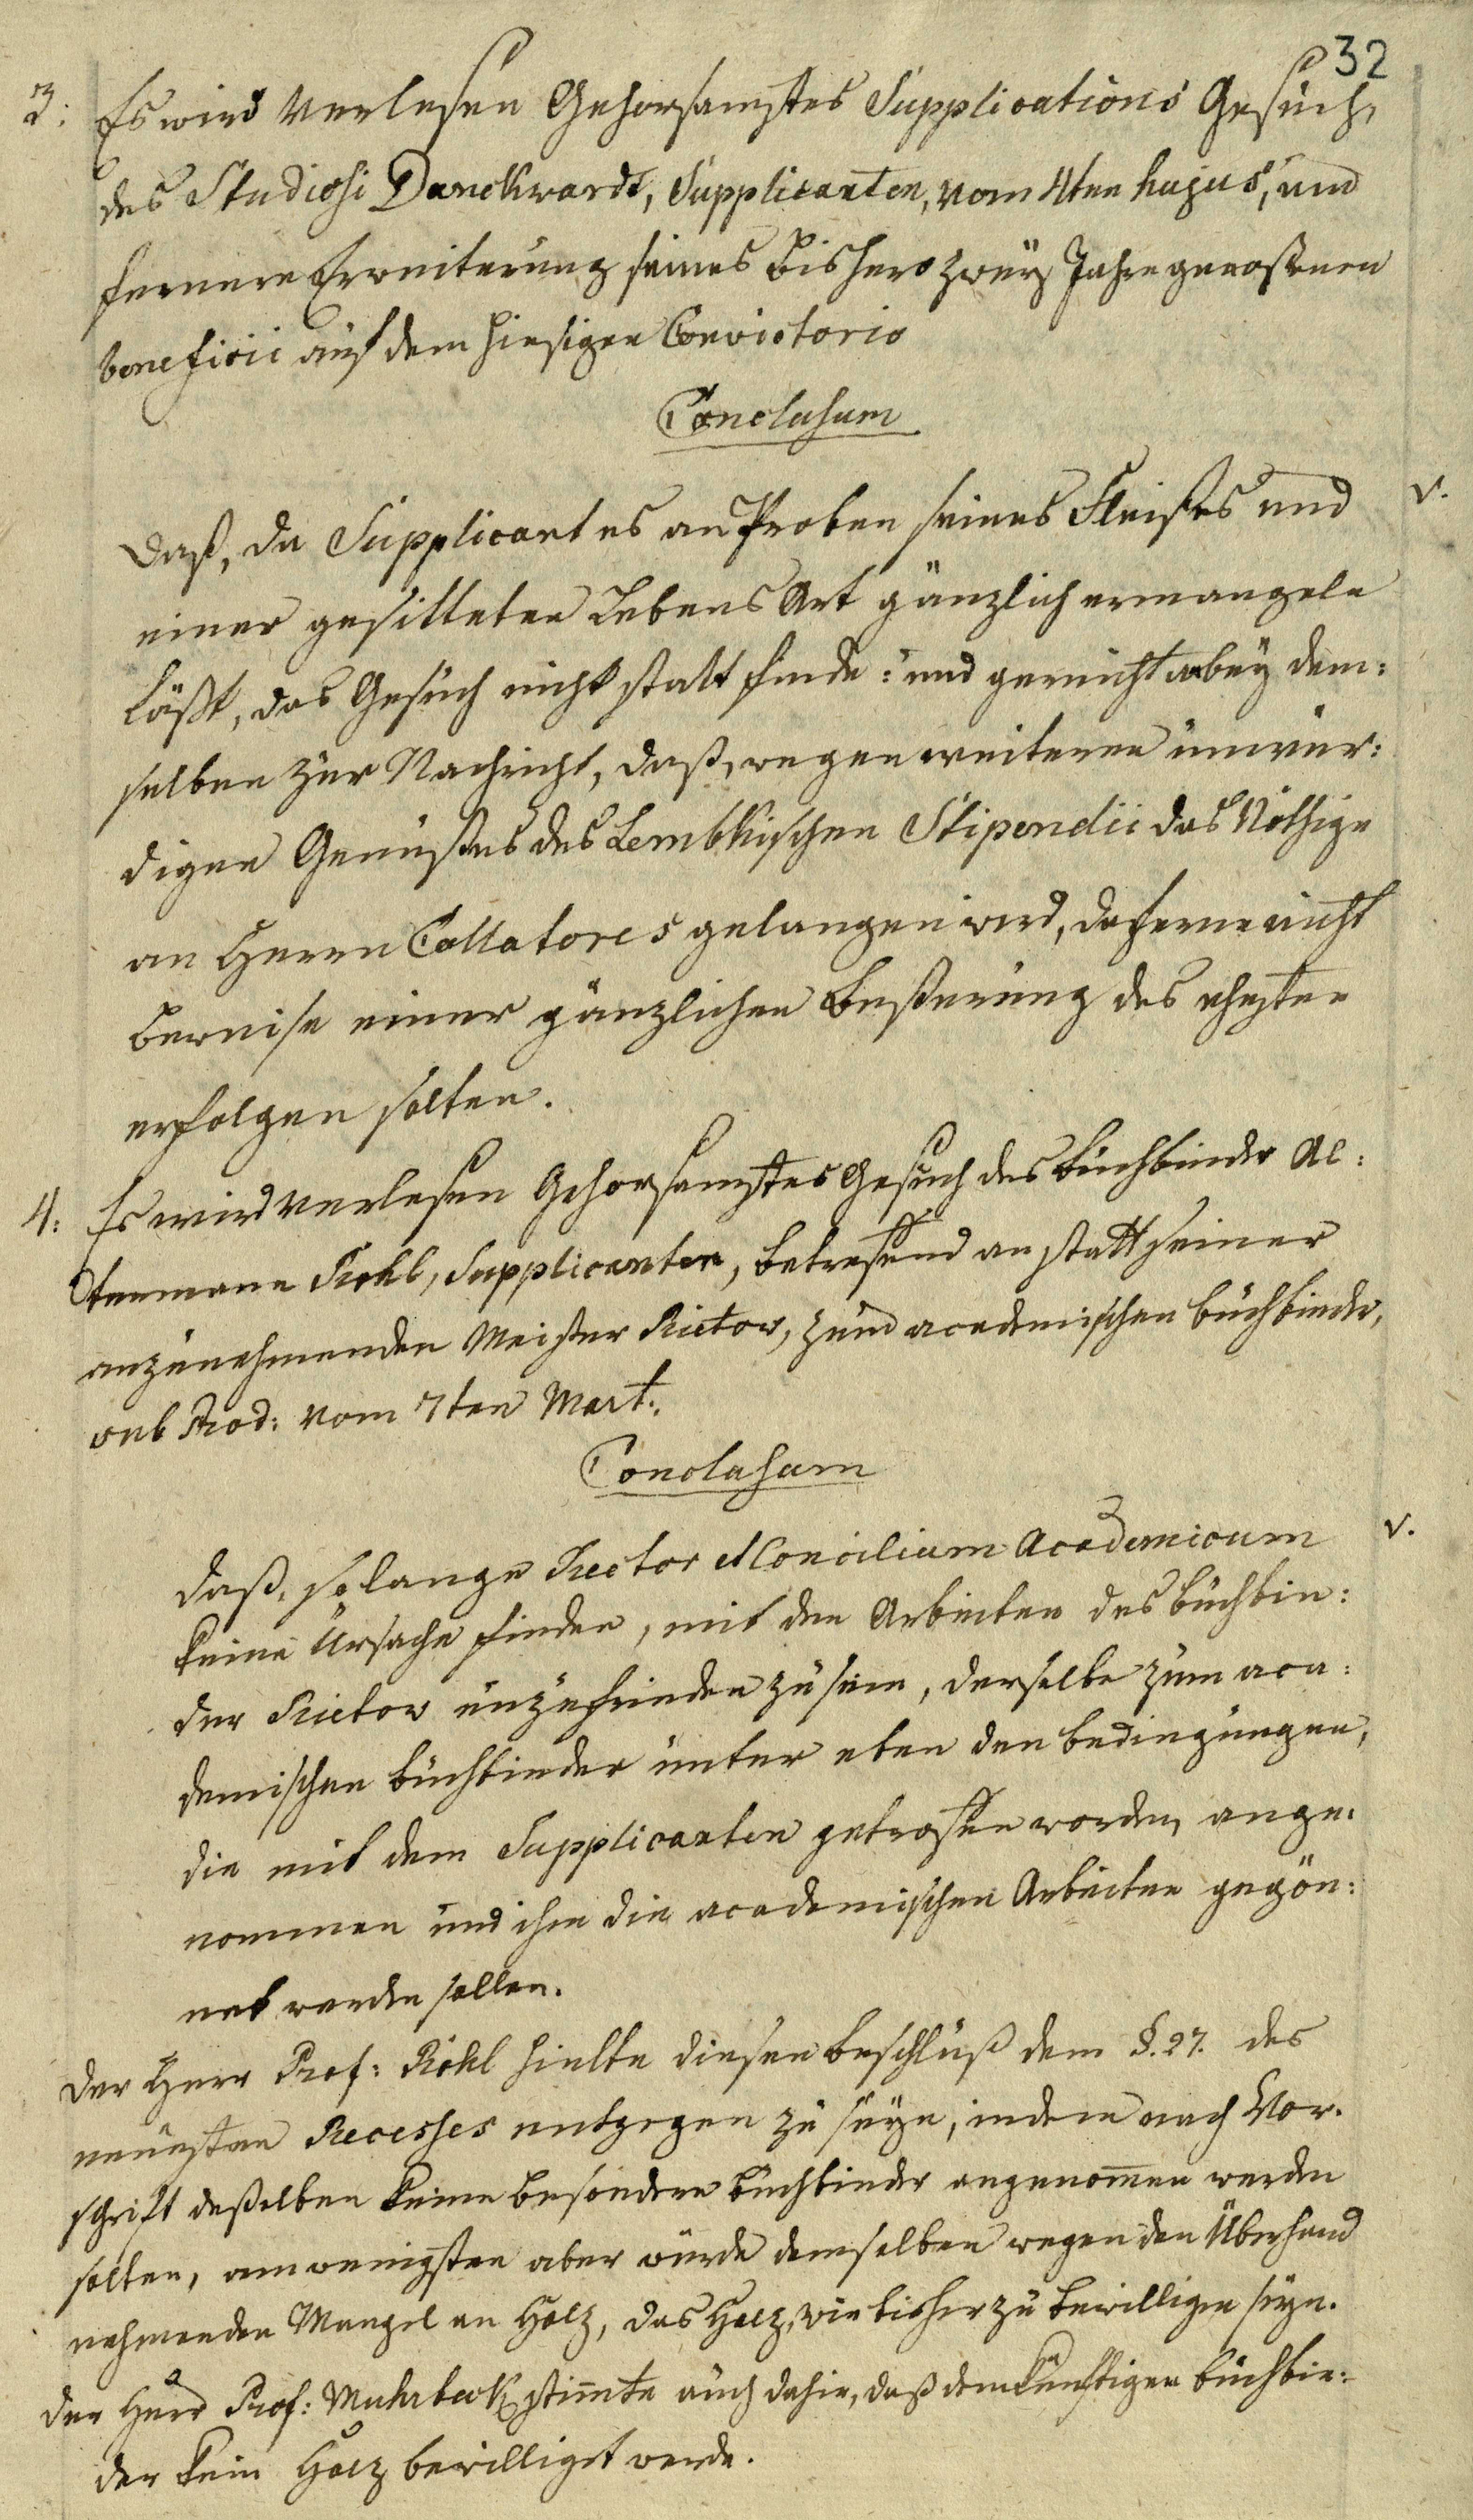3. Es wird verlesen gehorsamstes Supplications Gesuch,
des Studiosi Danckwardt, Supplicanten, vom 4 ten hujus, um
fernere Erweiterungseines bishero zweÿ jahre genoßenen
beneficiii auf dem hiesigen Convictorio
Conclusum
daß, da Supplicant es an Proben seines Fleißes und
einer gesitteten Lebens Art gänzlich ermangeln
läßt, das Gesuch nicht statt finde und greicht dabeÿ dem¬
selben zur Nachricht, daß, wegen weiteren unwür¬
digen Genußes des Lembkischen Stipendii das Nöthige
an Herrn Collatores gelangen wird, daferne nicht
Beweise einer gänzlichen Besserung des ehesten
erfolgen solten.
4. Es wird verlesen gehorsamstes Gesuch des Buchbinder Al¬
termann Rohl, Supplicanten, betreffend anstatt seiner
anzunehmen den Meister Rietow zum academischen Buchbinder,
sub. Prod. vom 7. Mart.
Conclusum
daß, solange Rector et Concilium Academicum
keine Ursache finden, mit dem Arbeiten des Buchbin¬
Rietow unzufrieden zu sein,derselbe zum aca¬
demischen Buchbinder unter eben den Bedingungen,
die mit dem Supplicanten getroffen worden, ange¬
nommen und ihm die academischen Arbeiten gegön¬
net werden sollen.
Der Herr Prof.Röhl hielte diesen Beschluß dem § 27. des
neuesten Recesses entgegen zu seÿn, indem nach Vor¬
schrift desselben keine besondere Buchbinder angenomen werden
solten, am wenigsten aber würde demselben wegen den Überhand
nehmenden Mangel an Holz, das Holz, wie bisher zu bewiliigen seÿn.
Der Herr Prof. Muhbeck stimte auch dahin, daß dem künftigen Buchbin¬
der kein Holz bewilliget werde.